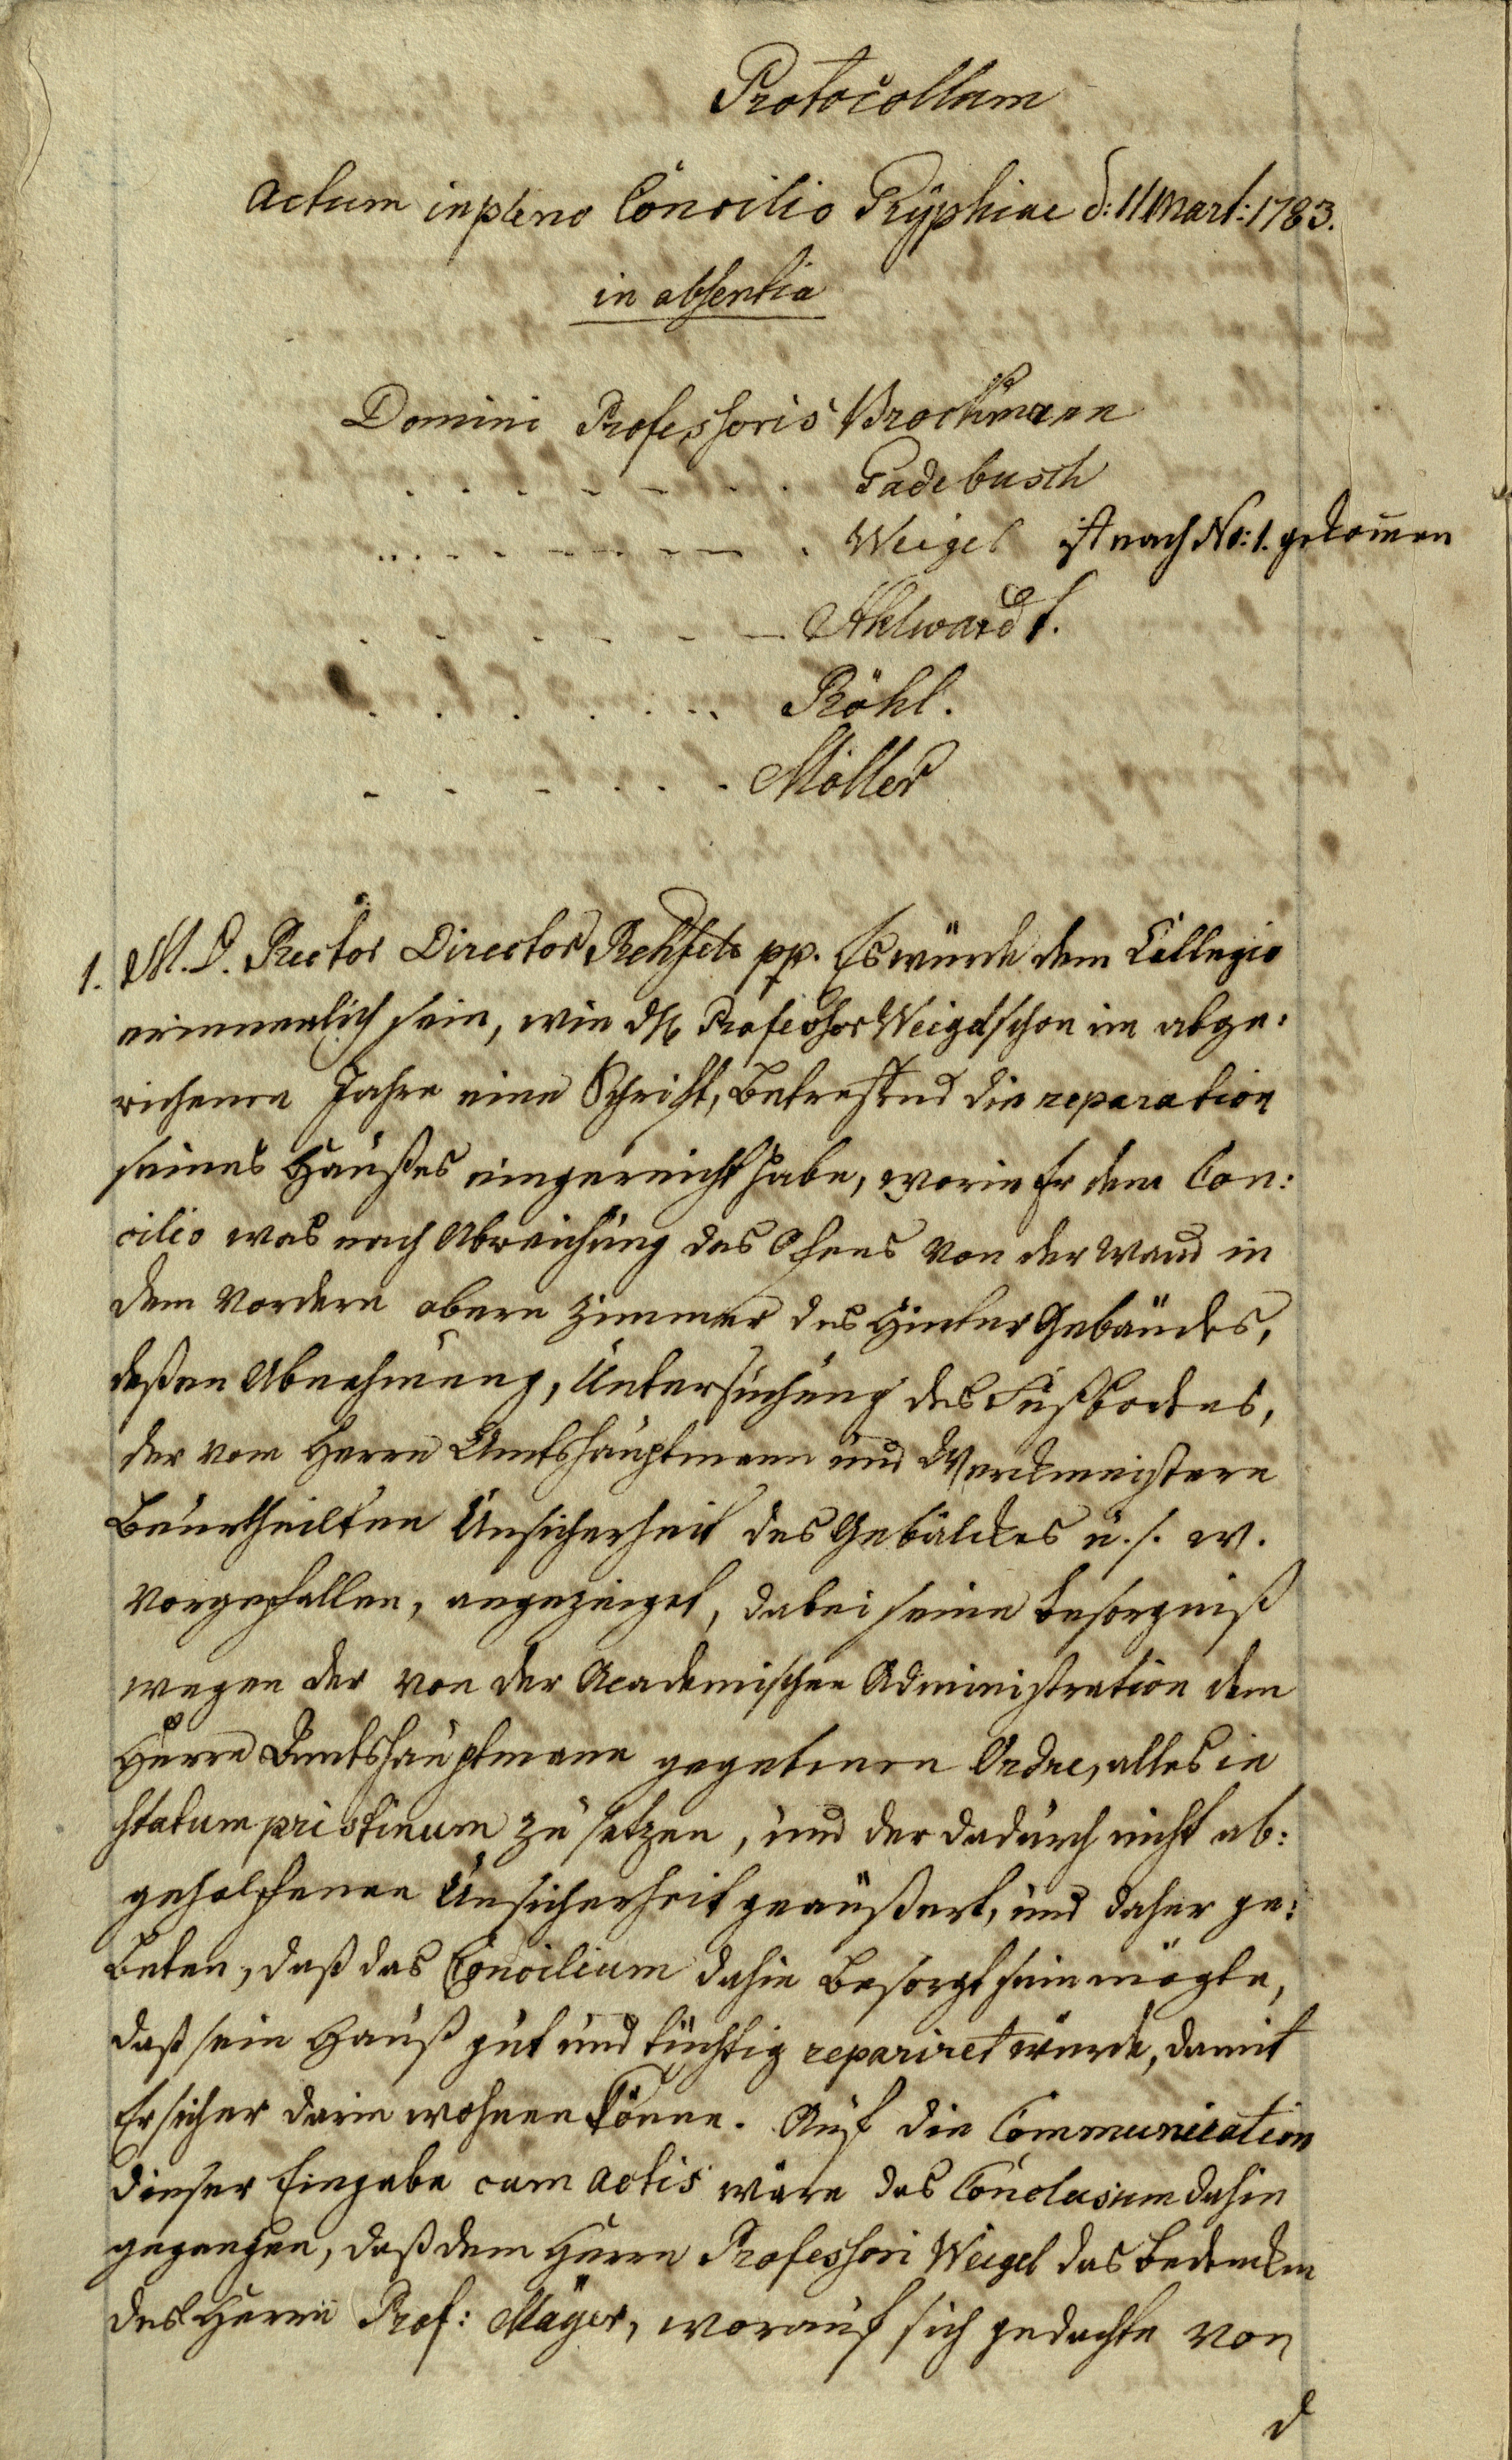Protocollum
Actum in pleno Concilio Grÿphiae d. 11 Mart. 1783.
in absentia
Domini Professoris Brockmann
Gadebusch
Weigel ist nach No 1. gekomen
Ahlwardt.
Röhl.
Möller
1. M. D. Rector Director Rehfeld pp. Es würde dem Collegio
erinnerlich sein, wie dh Professor Weigel schon im abge¬
wichenen Jahre ein Schrift, betreffend die reparation
seines Hauses eingereicht habe, worin Er dem Con¬
cilio was nach Abweichung des Ofens von der Wand in
dem vordern obern Zimmer des HinterGebäudes,
deßen Abnehmung, Untersuchung des Fußbodens,
der vom Herrn Amtshauptmann und Werkmeistern
beurtheilten Unsicherheit des Gebäudes u.s.w.
vorgefallen, angezeiget, dabei seine Besorgniß
wegen der von der Academischen Administration dem
Herrn Amtshauptmann gegebenen Ordre, alles in
statum pristinum zu setzen, und der dadurch nicht ab¬
geholfenen Unsicherheit geäußert, und daher ge¬
beten, daß das Concilium dahin besorgt sein mögte,
daß sein Haus gut und tüchtig repariret würde, damit
Er sicher darin wohnen könne. Auf die Communication
dieser Eingabe cum actis wäre das Conclusum dahin
gegangen, daß dem Herrn Professori Weigel das Bedenken
des Herrn Prof. Maÿer, worauf sich gedacht von
d